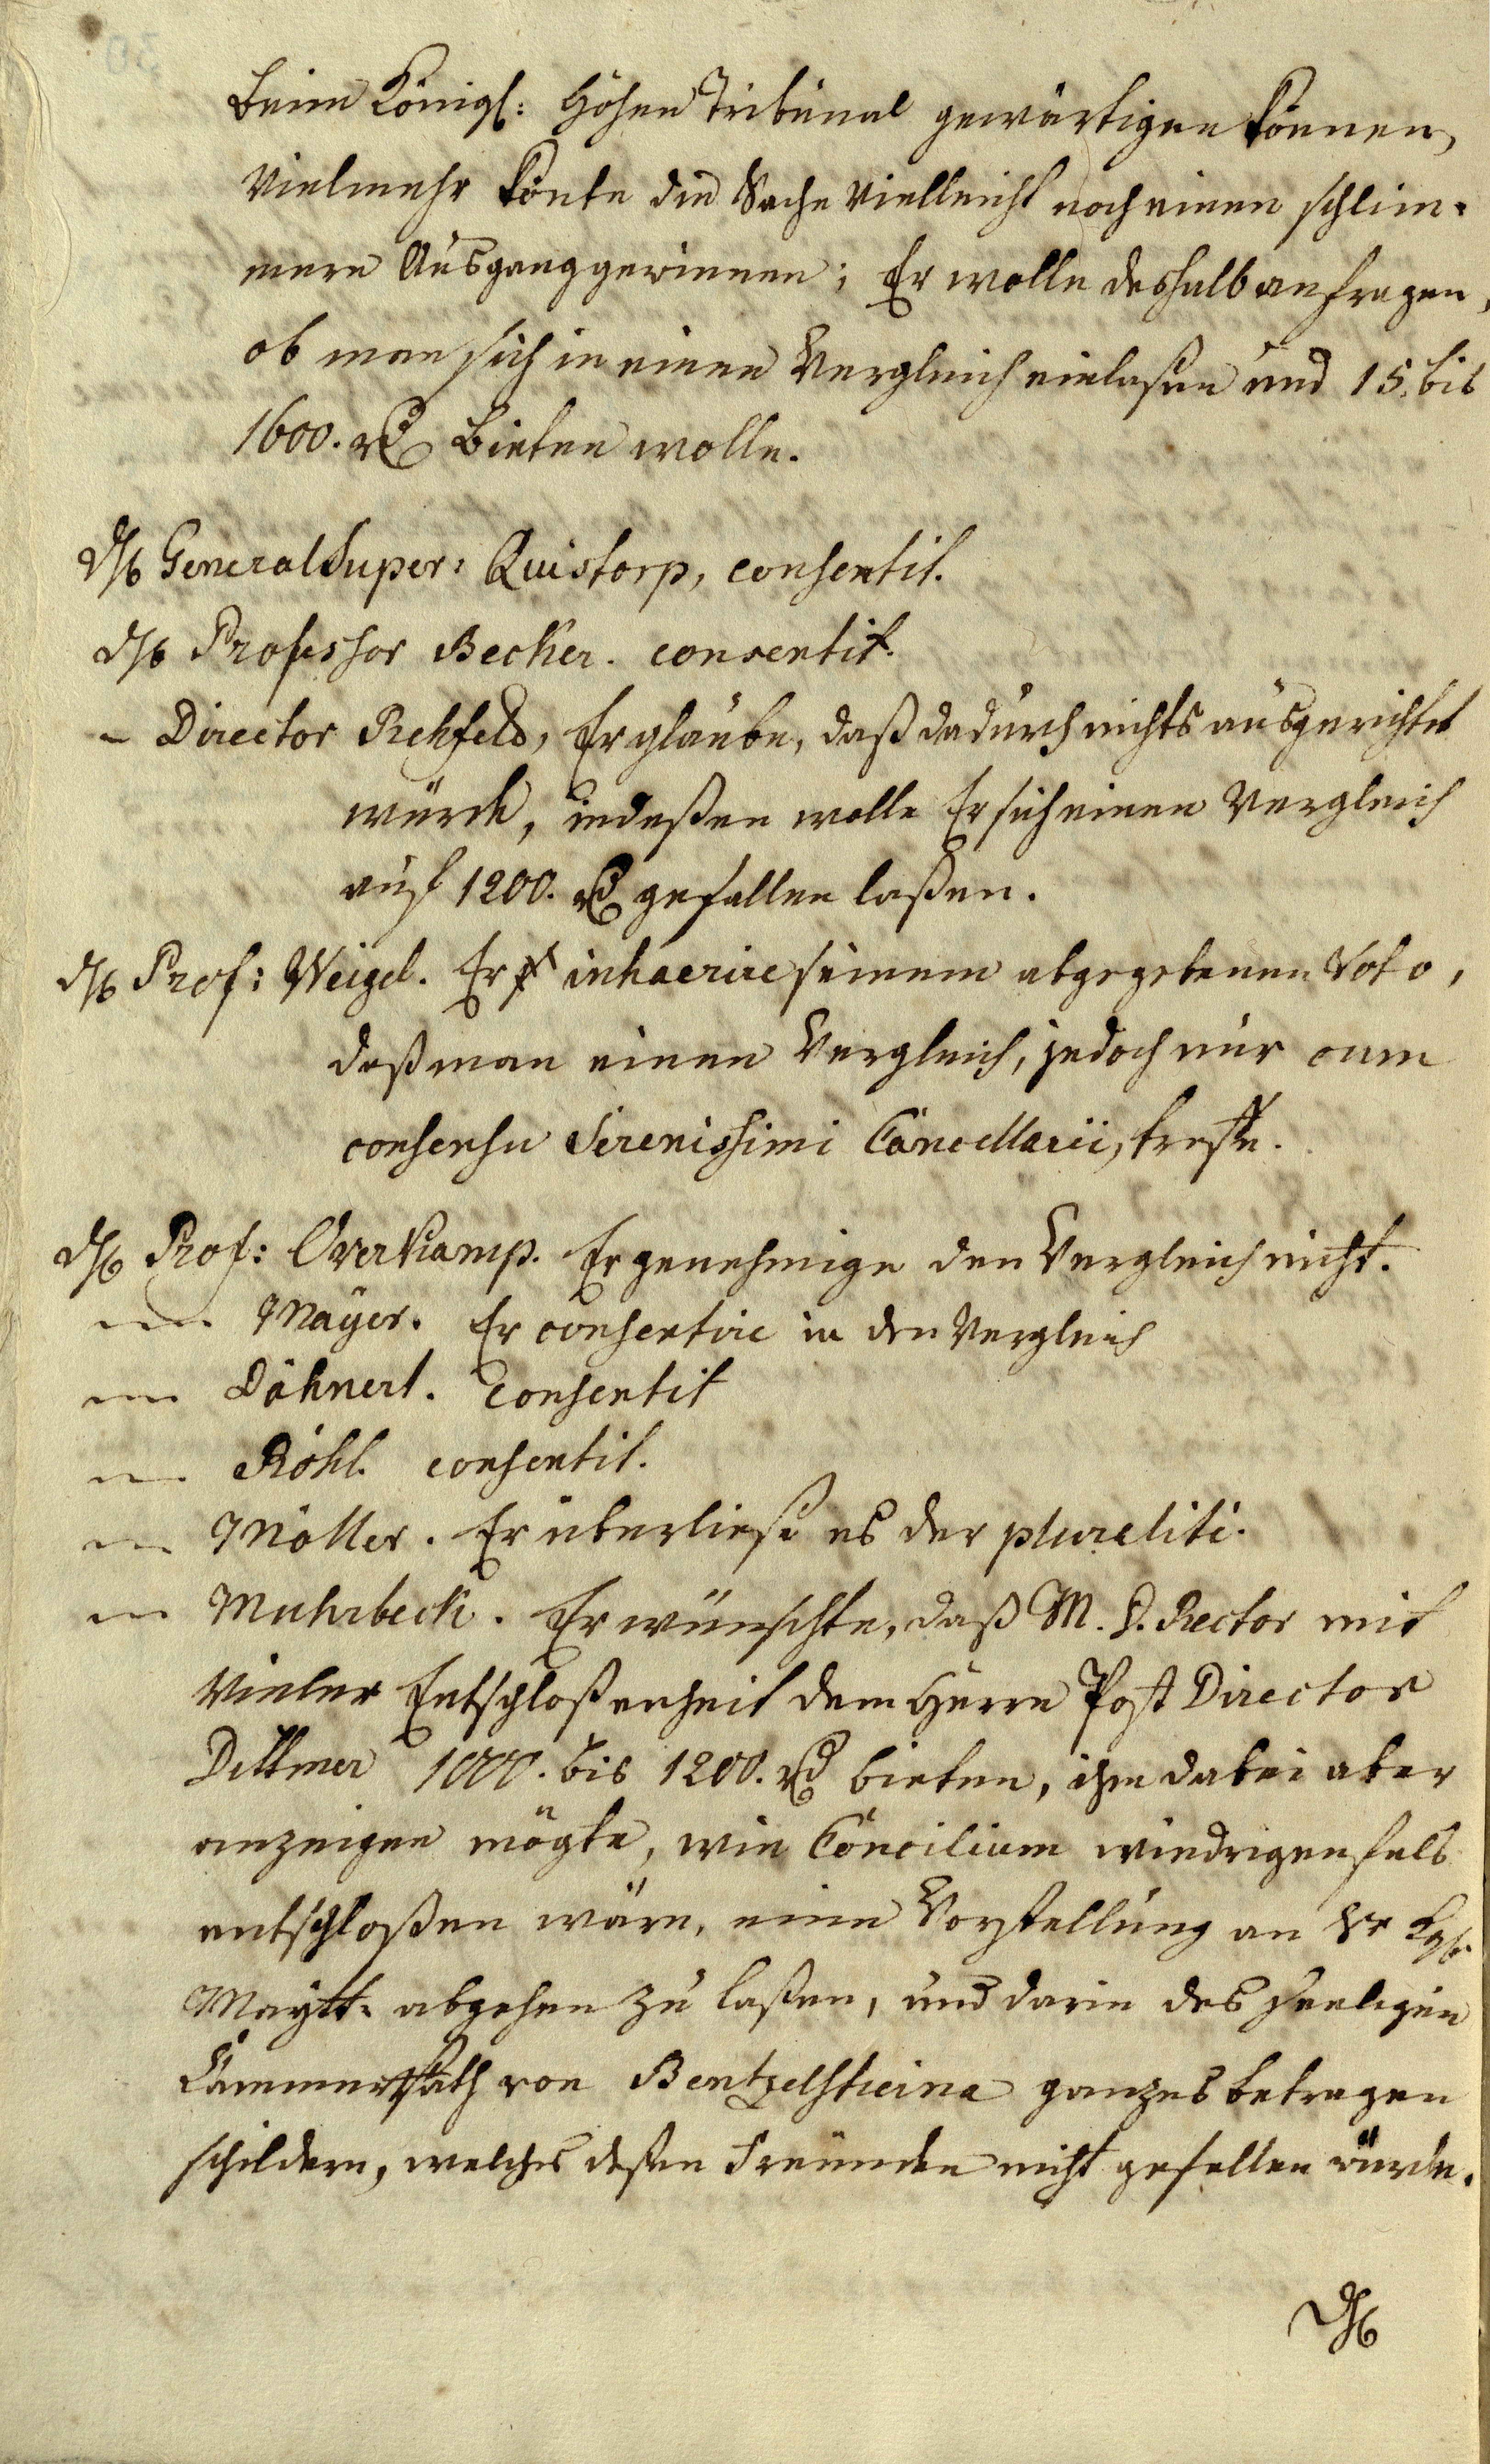beim Königl Hohen Tribunal gewärtigen können,
vielmehr könte die Sache vielleicht noch einen schlim¬
mern Ausgang gewinnen; Er wolle deshalb anfragen,
ob man sich in einen Vergleich einlaßen und 15. bis
1600. r. bieten wolle.
dh GeneralSuper. Quistorp, consentit.
dh. Professor Becker. consentit.
Director Rehfeld. Er glaube, daß dadurch nichts ausgerichtet
würde, indeßen wolle Er sich einen Vergleich
auf 1200 r. gefallen laßen.
dh Prof. Weigel. Er inhaerire seinem abgegebenen Voto,
daß man einen Vergleich, jedoch nur cum
consensu Serenissimi Cancellarii, treffe.
dh Prof. Overkamp. Er genehmige den Vergleich nicht.
Maÿer. Er consentire in den Vergleich.
Dähnert. consentit.
Röhl. consentit.
Möller. Er überließe es der pluraliti.
Muhrbeck. Er wünschte, daß M. D. Rector mit
vieler Entschloßenheit dem Herrn Post Director
Dittmer 1000. bis 1200 r. bieten, ihm dabei aber
anzeigen mögte, wie Concilium wiedrigenfals
entschloßen wäre, eine Vorstellung an S. Kgl.
Maÿtt. abgehen zu laßen, und darin des seeligen
CammerRath von Bentzelstierna ganzes Betragen
schildern, welches deßen Freunden nicht gefallen würde.
dh